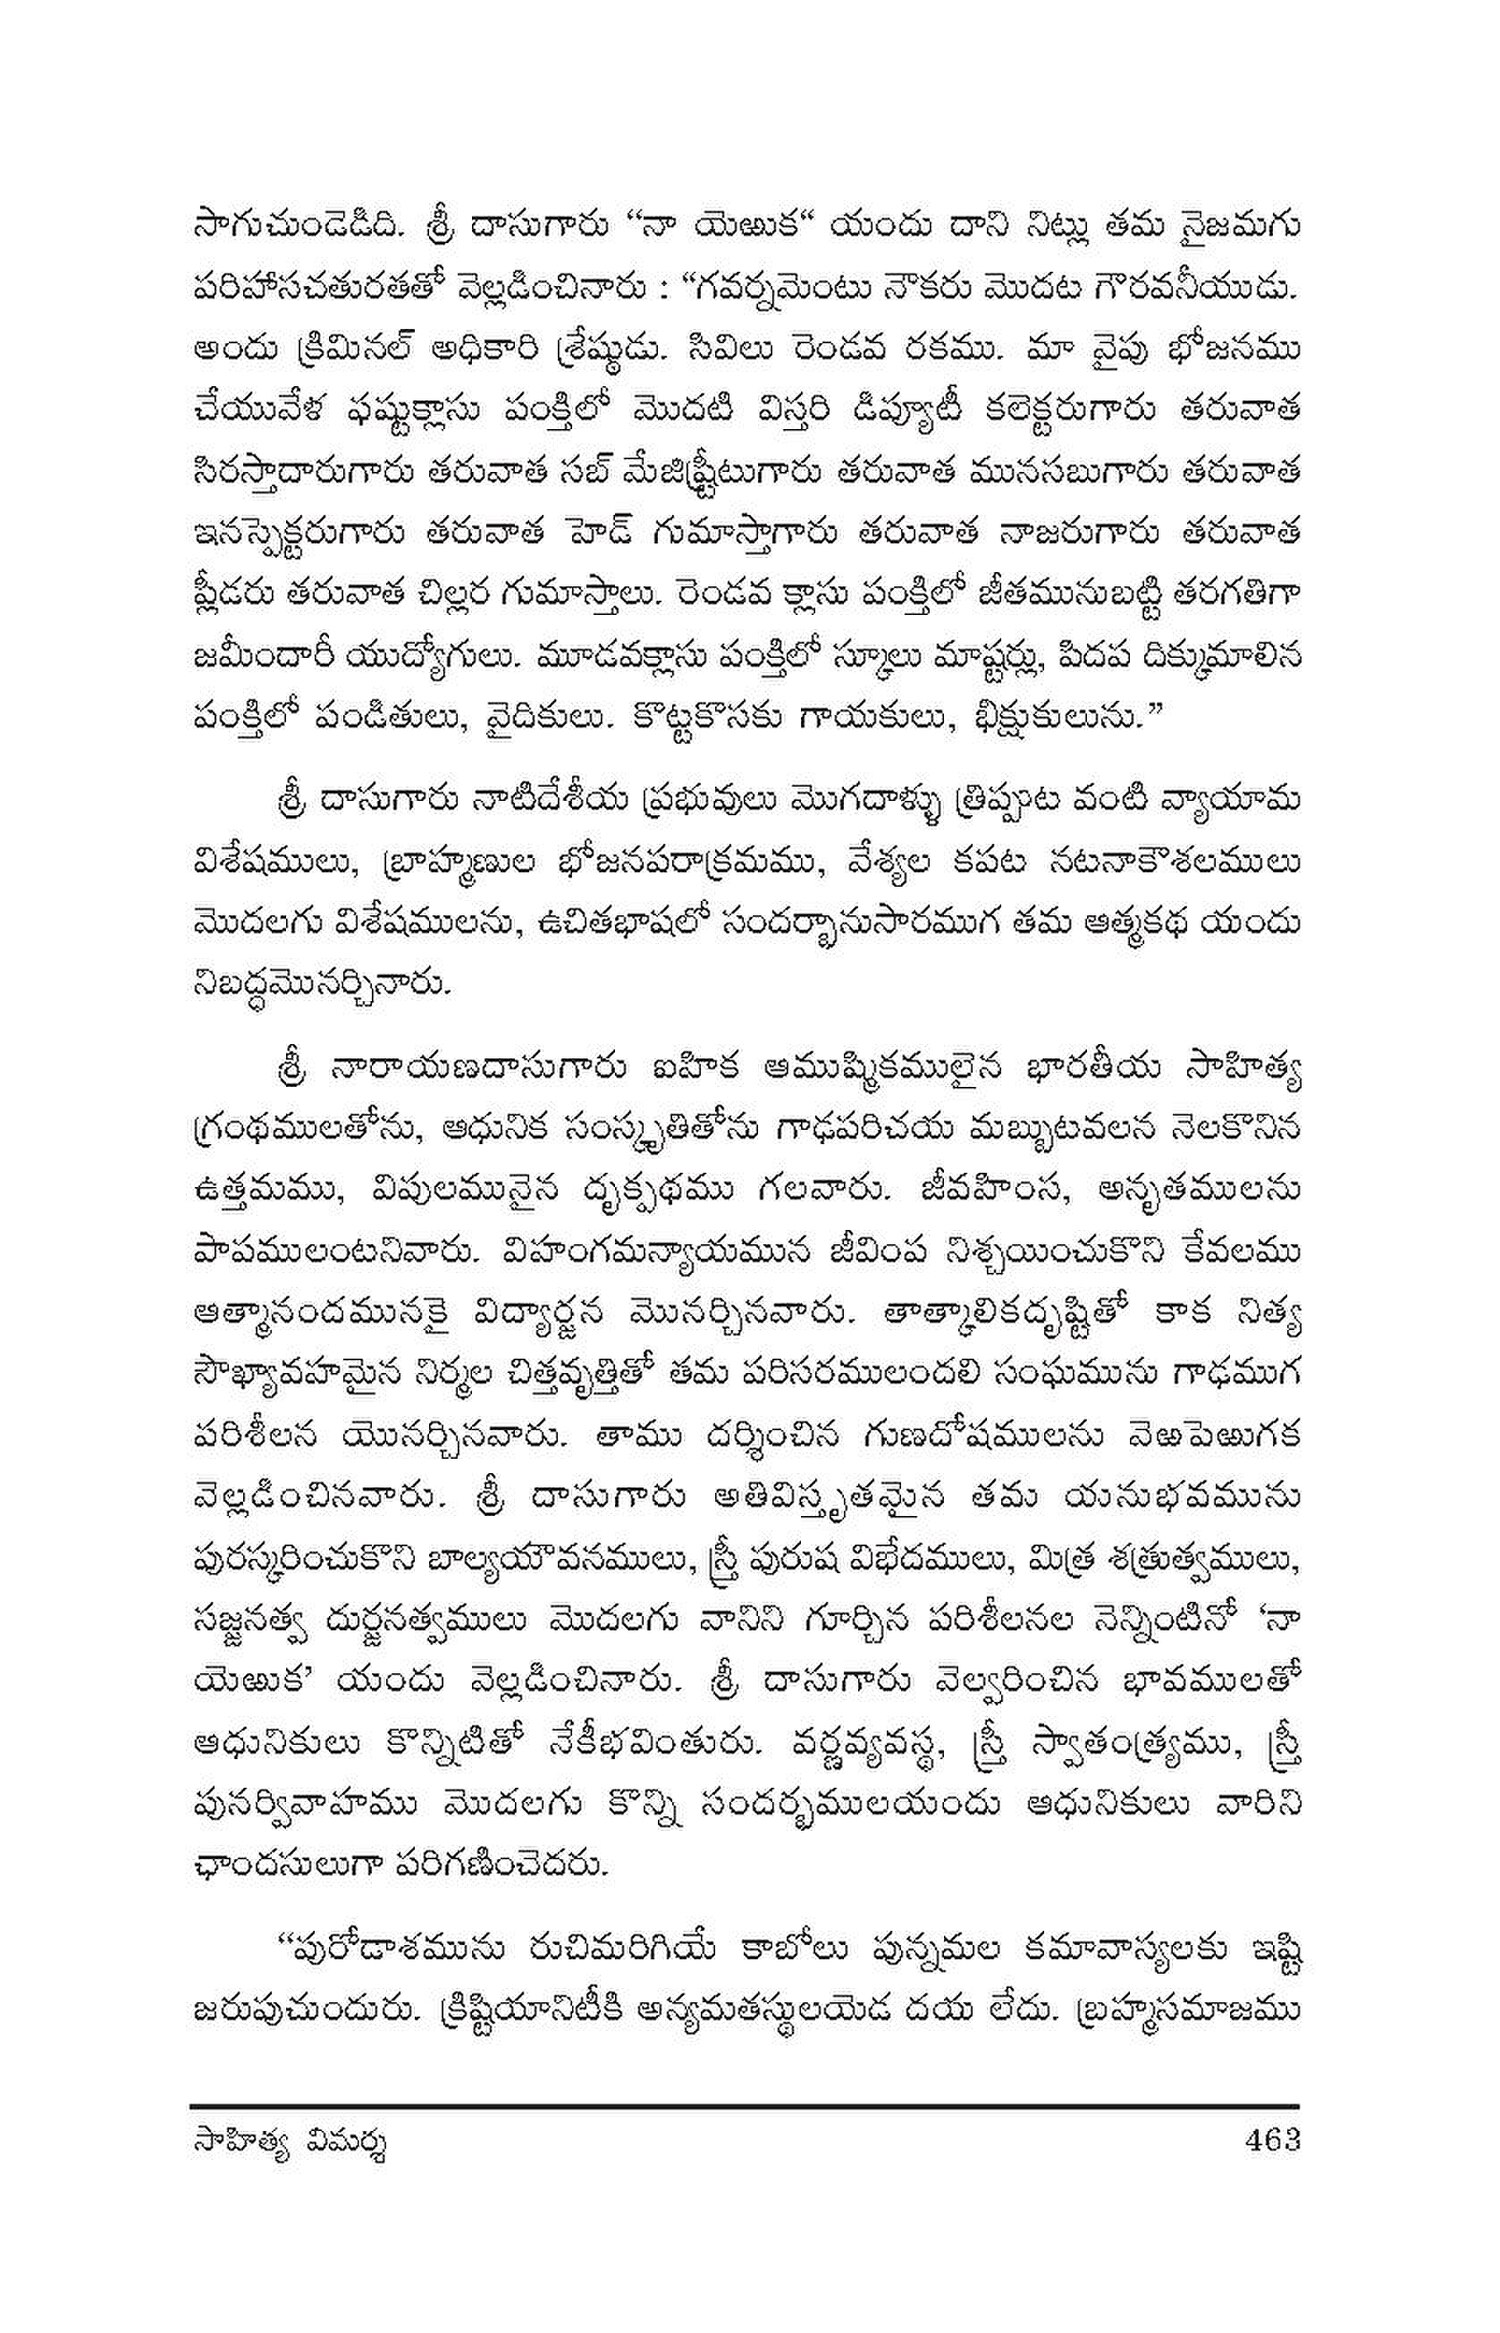సాగుచుండెడిది. శ్రీ దాసుగారు “నా యెఱుక" యందు దాని నిట్లు తమ నైజమగు
పరిహాసచతురతతో వెల్లడించినారు : "గవర్నమెంటు నౌకరు మొదట గౌరవనీయుడు.
అందు క్రిమినల్ అధికారి శ్రేష్ఠుడు. సివిలు రెండవ రకము. మా వైపు భోజనము
చేయువేళ ఫష్టుక్లాసు పంక్తిలో మొదటి విస్తరి డిప్యూటీ కలెక్టరుగారు తరువాత
సిరస్తాదారుగారు తరువాత సబ్ మేజిస్ట్రీటుగారు తరువాత మునసబుగారు తరువాత
ఇనస్పెక్టరుగారు తరువాత హెడ్ గుమాస్తాగారు తరువాత నాజరుగారు తరువాత
ప్లీడరు తరువాత చిల్లర గుమాస్తాలు. రెండవ క్లాసు పంక్తిలో జీతమునుబట్టి తరగతిగా
జమీందారీ యుద్యోగులు. మూడవక్లాసు పంక్తిలో స్కూలు మాస్టర్లు, పిదప దిక్కుమాలిన
పంక్తిలో పండితులు, వైదికులు. కొట్టకొసకు గాయకులు, భిక్షుకులును.”

శ్రీ దాసుగారు నాటిదేశీయ ప్రభువులు మొగదాళ్ళు త్రిప్పుట వంటి వ్యాయామ
విశేషములు, బ్రాహ్మణుల భోజనపరాక్రమము, వేశ్యల కపట నటనాకౌశలములు
మొదలగు విశేషములను, ఉచితభాషలో సందర్భానుసారముగ తమ ఆత్మకథ యందు
నిబద్ధమొనర్చినారు.

శ్రీ నారాయణదాసుగారు ఐహిక ఆముష్మికములైన భారతీయ సాహిత్య
గ్రంథములతోను, ఆధునిక సంస్కృతితోను గాఢపరిచయ మబ్బుటవలన నెలకొనిన
ఉత్తమము, విపులమునైన దృక్పథము గలవారు. జీవహింస, అనృతములను
పాపములంటనివారు. విహంగమన్యాయమున జీవింప నిశ్చయించుకొని కేవలము
ఆత్మానందమునకై విద్యార్జన మొనర్చినవారు. తాత్కాలికదృష్టితో కాక నిత్య
సౌఖ్యావహమైన నిర్మల చిత్తవృత్తితో తమ పరిసరములందలి సంఘమును గాఢముగ
పరిశీలన యొనర్చినవారు. తాము దర్శించిన గుణదోషములను వెఱ పెఱుగక
వెల్లడించినవారు. శ్రీ దాసుగారు అతివిస్తృతమైన తమ యనుభవమును
పురస్కరించుకొని బాల్యయౌవనములు, స్త్రీ పురుష విభేదములు, మిత్ర శత్రుత్వములు,
సజ్జనత్వ దుర్జనత్వములు మొదలగు వానిని గూర్చిన పరిశీలనల నెన్నింటినో 'నా
యెఱుక' యందు వెల్లడించినారు. శ్రీ దాసుగారు నెల్వరించిన భావములతో
ఆధునికులు కొన్నిటితో నేకీభవింతురు. వర్ణవ్యవస్థ, స్త్రీ స్వాతంత్య్రం , స్త్రీ
పునర్వివాహము మొదలగు కొన్ని సందర్భములయందు ఆధునికులు వారిని
ఛాందసులుగా పరిగణించెదరు.

"పురోడాశమును రుచిమరిగియే కాబోలు పున్నమల కమావాస్యలకు ఇష్టి
జరుపుచుందురు. క్రిష్టియానిటీకి అన్యమతస్థులయెడ దయ లేదు. బ్రహ్మసమాజము